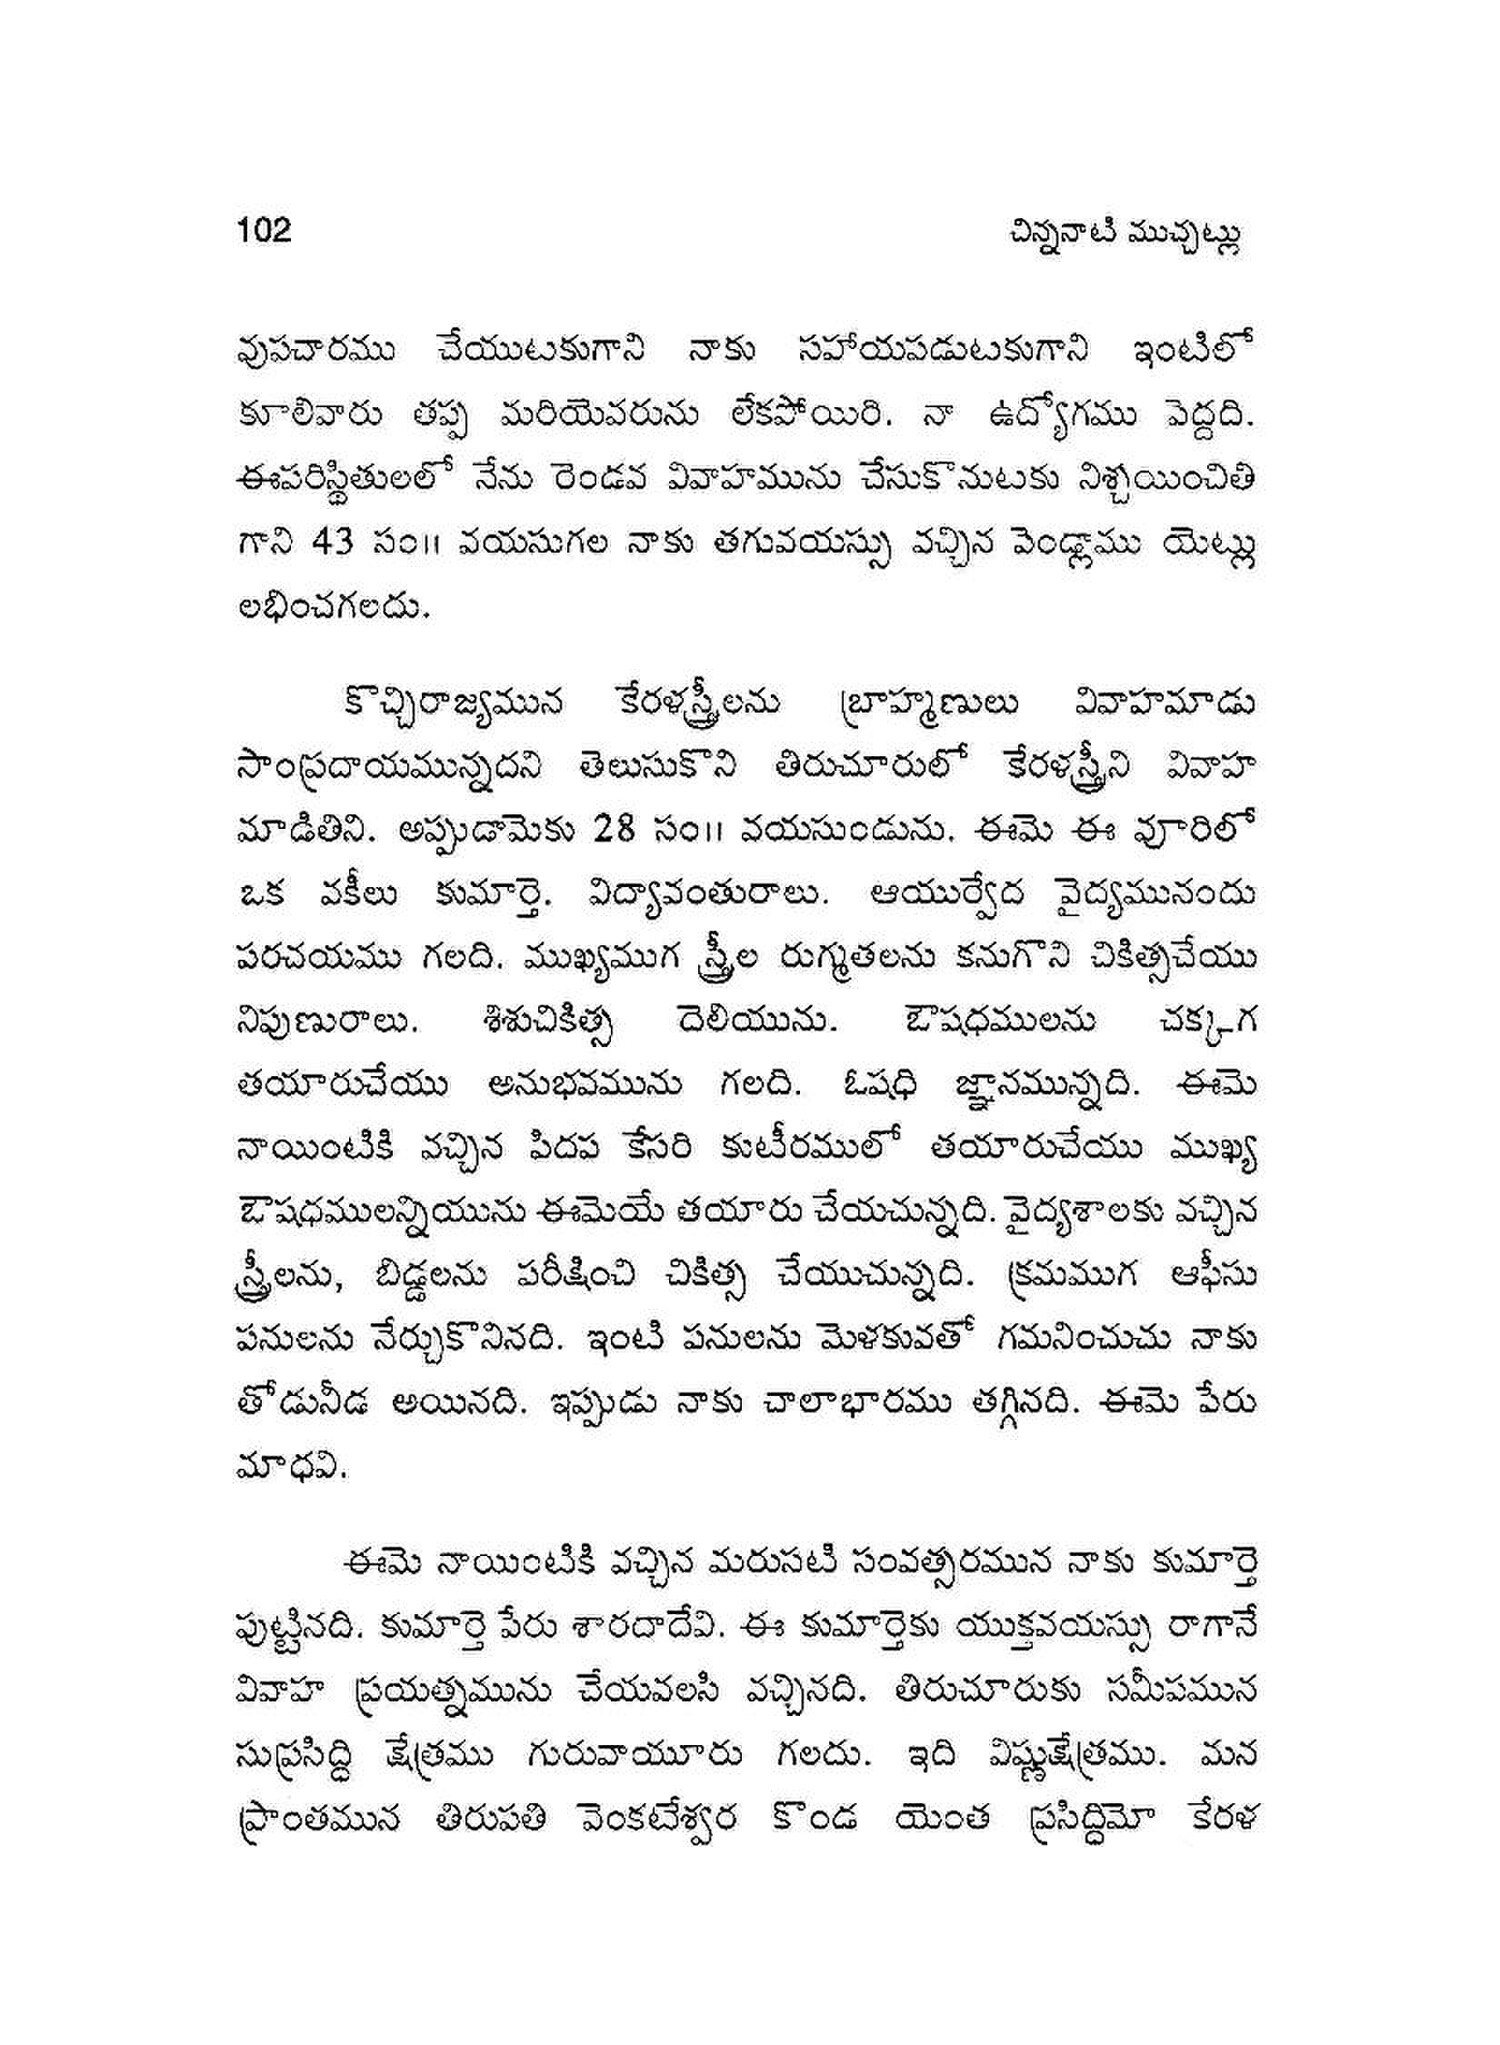వుపచారము చేయుటకుగాని నాకు సహాయపడుటకుగాని ఇంటిలో కూలివారు తప్ప మరియెవరును లేకపోయిరి. నా ఉద్యోగము పెద్దది. ఈపరిస్థితులలో నేను రెండవ వివాహమును చేసుకొనుటకు నిశ్చయించితి గాని 43 సం|| వయసుగల నాకు తగువయస్సు వచ్చిన పెండ్లాము యెట్లు లభించగలదు.

కొచ్చిరాజ్యమున కేరళస్త్రీలను బ్రాహ్మణులు వివాహమాడు సాంప్రదాయమున్నదని తెలుసుకొని తిరుచూరులో కేరళస్త్రీని వివాహ మాడితిని. అప్పడామెకు 28 సం|| వయసుండును. ఈమె ఈ వూరిలో ఒక వకీలు కుమార్తె. విద్యావంతురాలు. ఆయుర్వేద వైద్యమునందు పరచయము గలది. ముఖ్యముగ స్త్రీల రుగ్మతలను కనుగొని చికిత్సచేయు నిపుణురాలు. శిశుచికిత్స దెలియును. ఔషధములను చక్కగ తయారుచేయు అనుభవమును గలది. ఓషధి జ్ఞానమున్నది. ఈమె నాయింటికి వచ్చిన పిదప కేసరి కుటీరములో తయారుచేయు ముఖ్య ఔషధములన్నియును ఈమెయే తయారు చేయచున్నది. వైద్యశాలకు వచ్చిన స్త్రీలను, బిడ్డలను పరీక్షించి చికిత్స చేయుచున్నది. క్రమముగ ఆఫీసు పనులను నేర్చుకొనినది. ఇంటి పనులను మెళకువతో గమనించుచు నాకు తోడునీడ అయినది. ఇప్పడు నాకు చాలాభారము తగ్గినది. ఈమె పేరు మాధవి,

ఈమె నాయింటికి వచ్చిన మరుసటి సంవత్సరమున నాకు కుమార్తె పుట్టినది. కుమార్తె పేరు శారదాదేవి. ఈ కుమార్తెకు యుక్తవయస్సు రాగానే వివాహ ప్రయత్నమును చేయవలసి వచ్చినది. తిరుచూరుకు సమీపమున సుప్రసిద్ధి క్షేత్రము గురువాయూరు గలదు. ఇది విష్ణుక్షేత్రము. మన ప్రాంతమున తిరుపతి వెంకటేశ్వర కొండ యెంత ప్రసిద్ధియో కేరళ